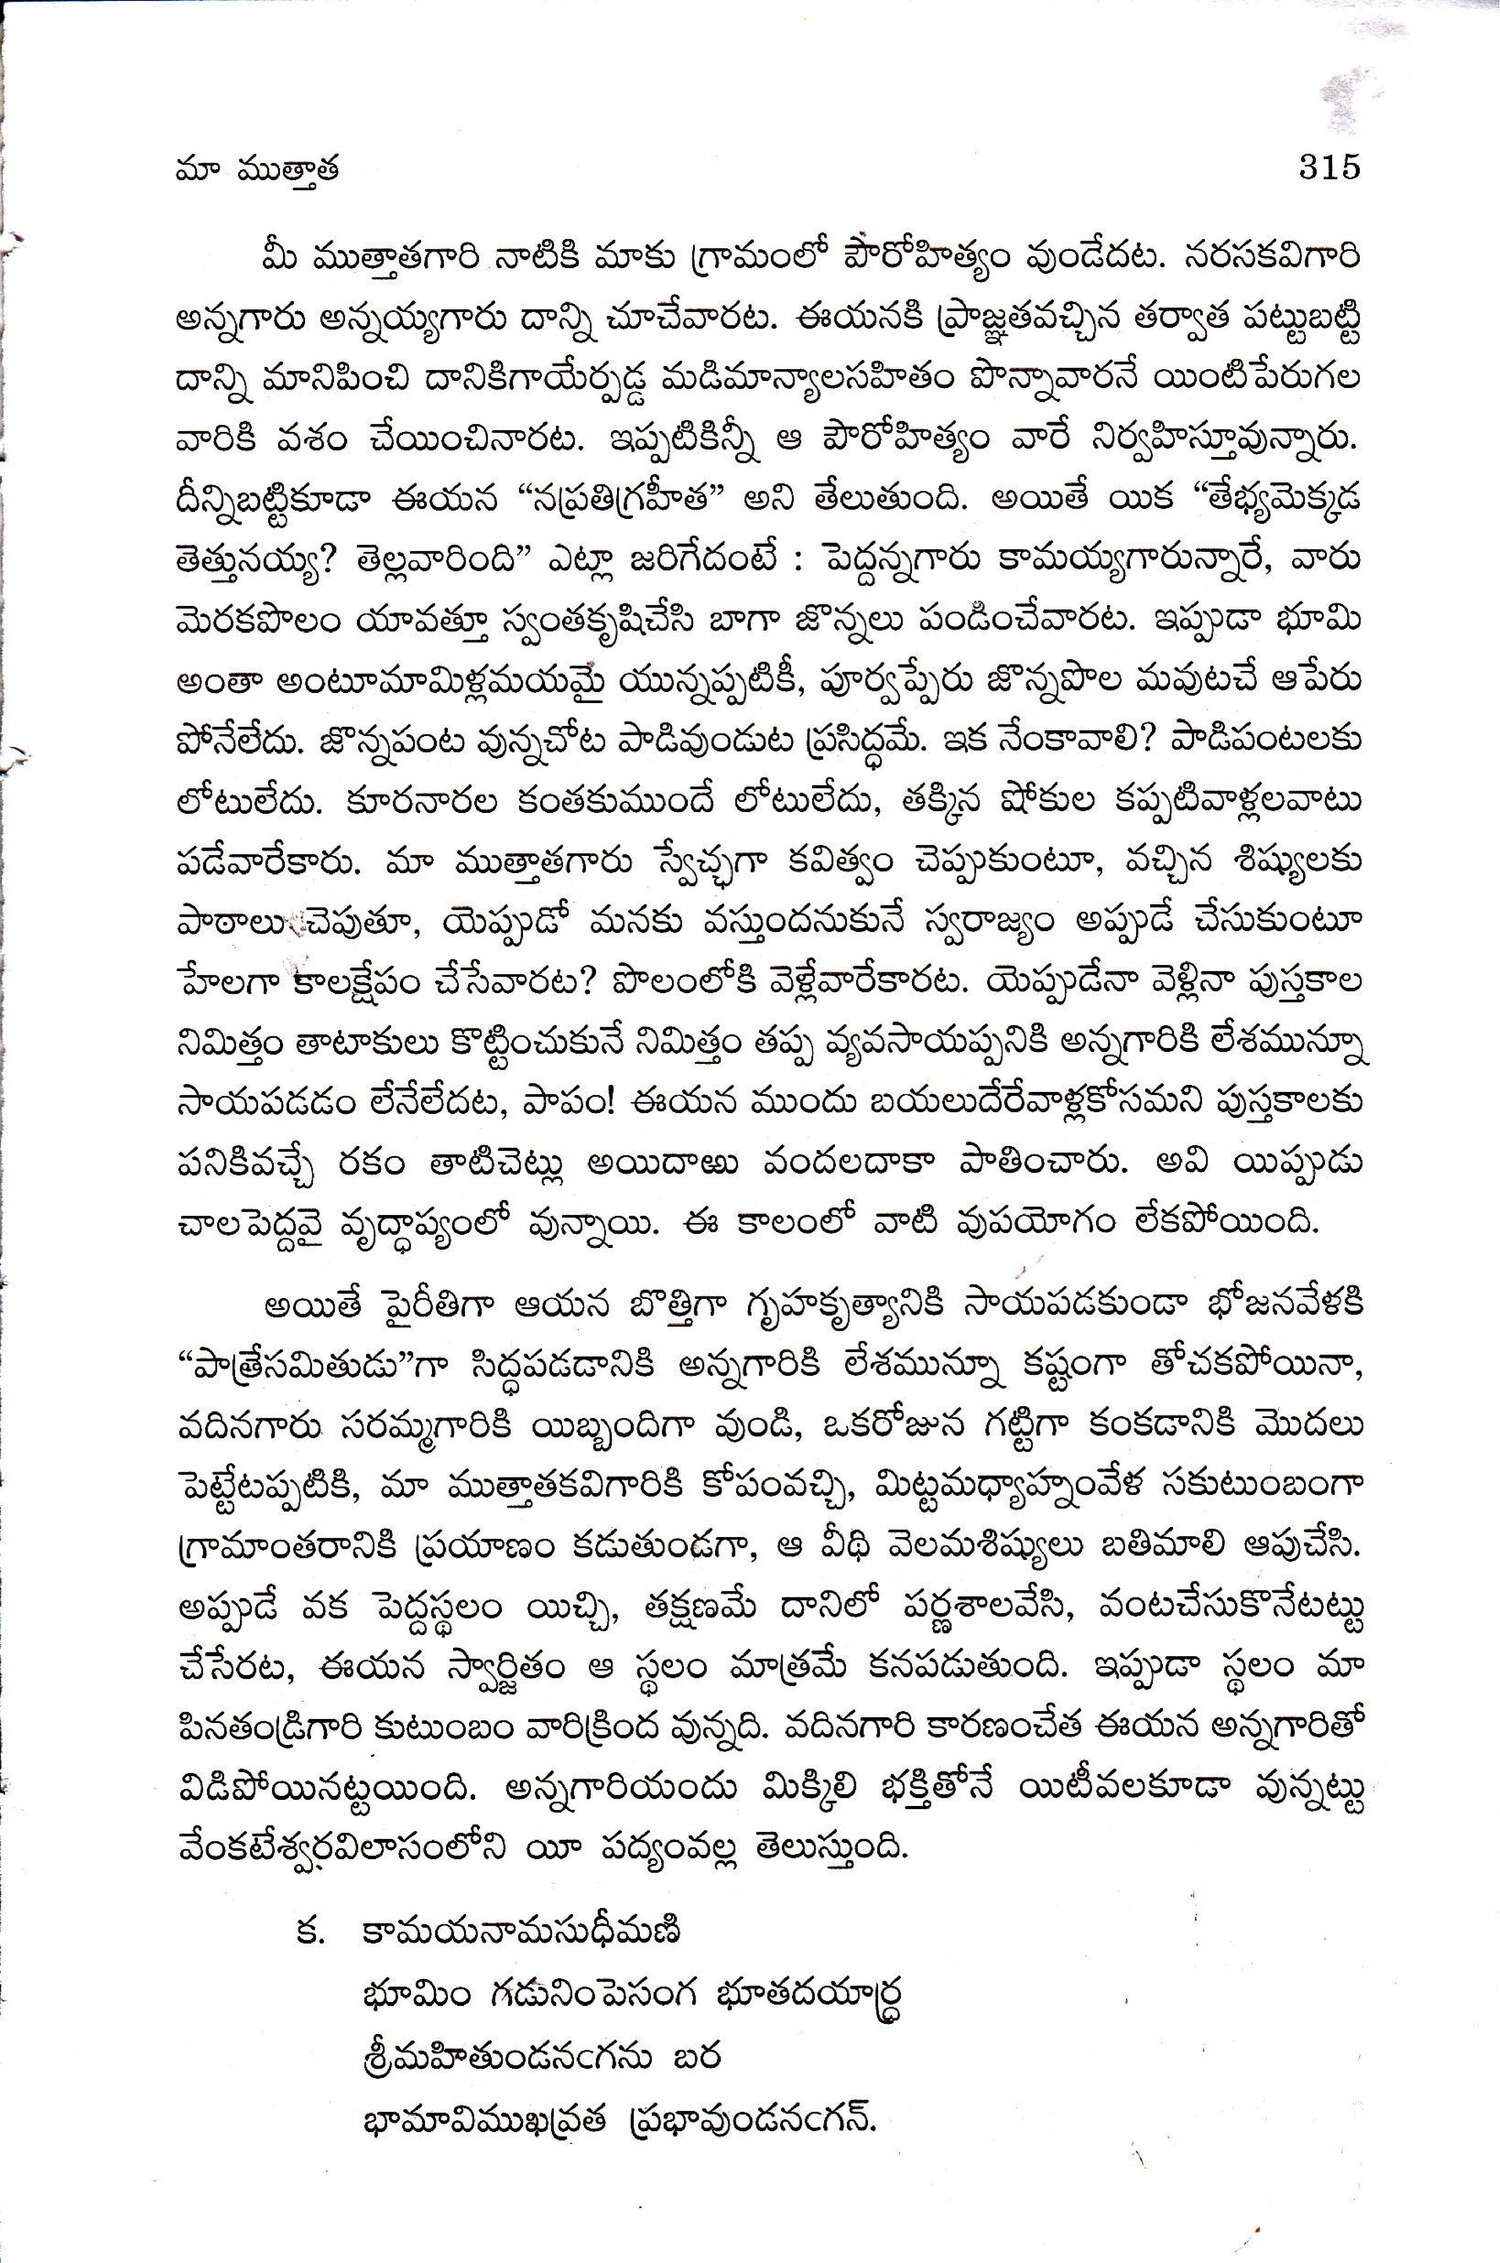మీ ముత్తాతగారి నాటికి మాకు గ్రామంలో పౌరోహిత్యం వుండేదట. నరసకవిగారి అన్నగారు అన్నయ్యగారు దాన్ని చూచేవారట. ఈయనకి ప్రాజ్ఞతవచ్చిన తర్వాత పట్టుబట్టి దాన్ని మానిపించి దానికిగాయేర్పడ్డ మడిమాన్యాలసహితం పొన్నావారనే యింటిపేరుగల వారికి వశం చేయించినారట. ఇప్పటికిన్నీ ఆ పౌరోహిత్యం వారే నిర్వహిస్తూవున్నారు. దీన్నిబట్టికూడా ఈయన “నప్రతిగ్రహీత" అని తేలుతుంది. అయితే యిక “తేభ్యమెక్కడ తెత్తునయ్య? తెల్లవారింది" ఎట్లా జరిగేదంటే : పెద్దన్నగారు కామయ్యగారున్నారే, వారు మెరకపొలం యావతూ స్వంతకృషిచేసి బాగా జొన్నలు పండించేవారట. ఇప్పడా భూమి అంతా అంటూమామిళ్లమయమై యున్నప్పటికీ, పూర్వప్పేరు జొన్నపొల మవుటచే ఆపేరు పోనేలేదు. జొన్నపంట వున్నచోట పాడివుండుట ప్రసిద్ధమే. ఇక నేంకావాలి? పాడిపంటలకు లోటులేదు. కూరనారల కంతకుముందే లోటులేదు, తక్కిన షోకుల కప్పటివాళ్లలవాటు పడేవారేకారు. మా ముత్తాతగారు స్వేచ్ఛగా కవిత్వం చెప్పకుంటూ, వచ్చిన శిష్యులకు పాఠాలు చెపుతూ, యెప్పుడో మనకు వస్తుందనుకునే స్వరాజ్యం అప్పుడే చేసుకుంటూ హేలగా కాలక్షేపం చేసేవారట? పొలంలోకి వెళ్లేవారేకారట. యెప్పుడేనా వెళ్లినా పుస్తకాల నిమిత్తం తాటాకులు కొట్టించుకునే నిమిత్తం తప్ప వ్యవసాయప్పనికి అన్నగారికి లేశమున్నూ సాయపడడం లేనేలేదట, పాపం! ఈయన ముందు బయలుదేరేవాళ్లకోసమని పుస్తకాలకు పనికివచ్చే రకం తాటిచెట్లు అయిదాఱు వందలదాకా పాతించారు. అవి యిప్పుడు చాల పెద్దవై వృద్ధాప్యంలో వున్నాయి. ఈ కాలంలో వాటి వుపయోగం లేకపోయింది.

అయితే పైరీతిగా ఆయన బొత్తిగా గృహకృత్యానికి సాయపడకుండా భోజనవేళకి "పాత్రేసమితుడు"గా సిద్ధపడడానికి అన్నగారికి లేశమున్నూ కష్టంగా తోచకపోయినా, వదినగారు సరమ్మగారికి యిబ్బందిగా వుండి, ఒకరోజున గట్టిగా కంకడానికి మొదలు పెట్టేటప్పటికి, మా ముత్తాతకవిగారికి కోపంవచ్చి, మిట్టమధ్యాహ్నంవేళ సకుటుంబంగా గ్రామాంతరానికి ప్రయాణం కడుతుండగా, ఆ వీధి వెలమశిష్యులు బతిమాలి ఆపుచేసి. అప్పుడే వక పెద్దస్థలం యిచ్చి, తక్షణమే దానిలో పర్ణశాలవేసి, వంటచేసుకొనేటట్టు చేసేరట, ఈయన స్వార్జితం ఆ స్థలం మాత్రమే కనపడుతుంది. ఇప్పుడా స్థలం మూ పినతండ్రిగారి కుటుంబం వారిక్రింద వున్నది. వదినగారి కారణంచేత ఈయన అన్నగారితో విడిపోయినట్టయింది. అన్నగారియందు మిక్కిలి భక్తితోనే యిటీవలకూడా వున్నట్టు వేంకటేశ్వర్రవిలాసంలోని యీ పద్యంవల్ల తెలుస్తుంది.

క. కామయనామసుధీమణి
 భూమిం గడునింపెసంగ భూతదయార్థ్ర 
 శ్రీమహితుండనఁగను బర 
 భామావిముఖవ్రత ప్రభావుండనఁగన్.